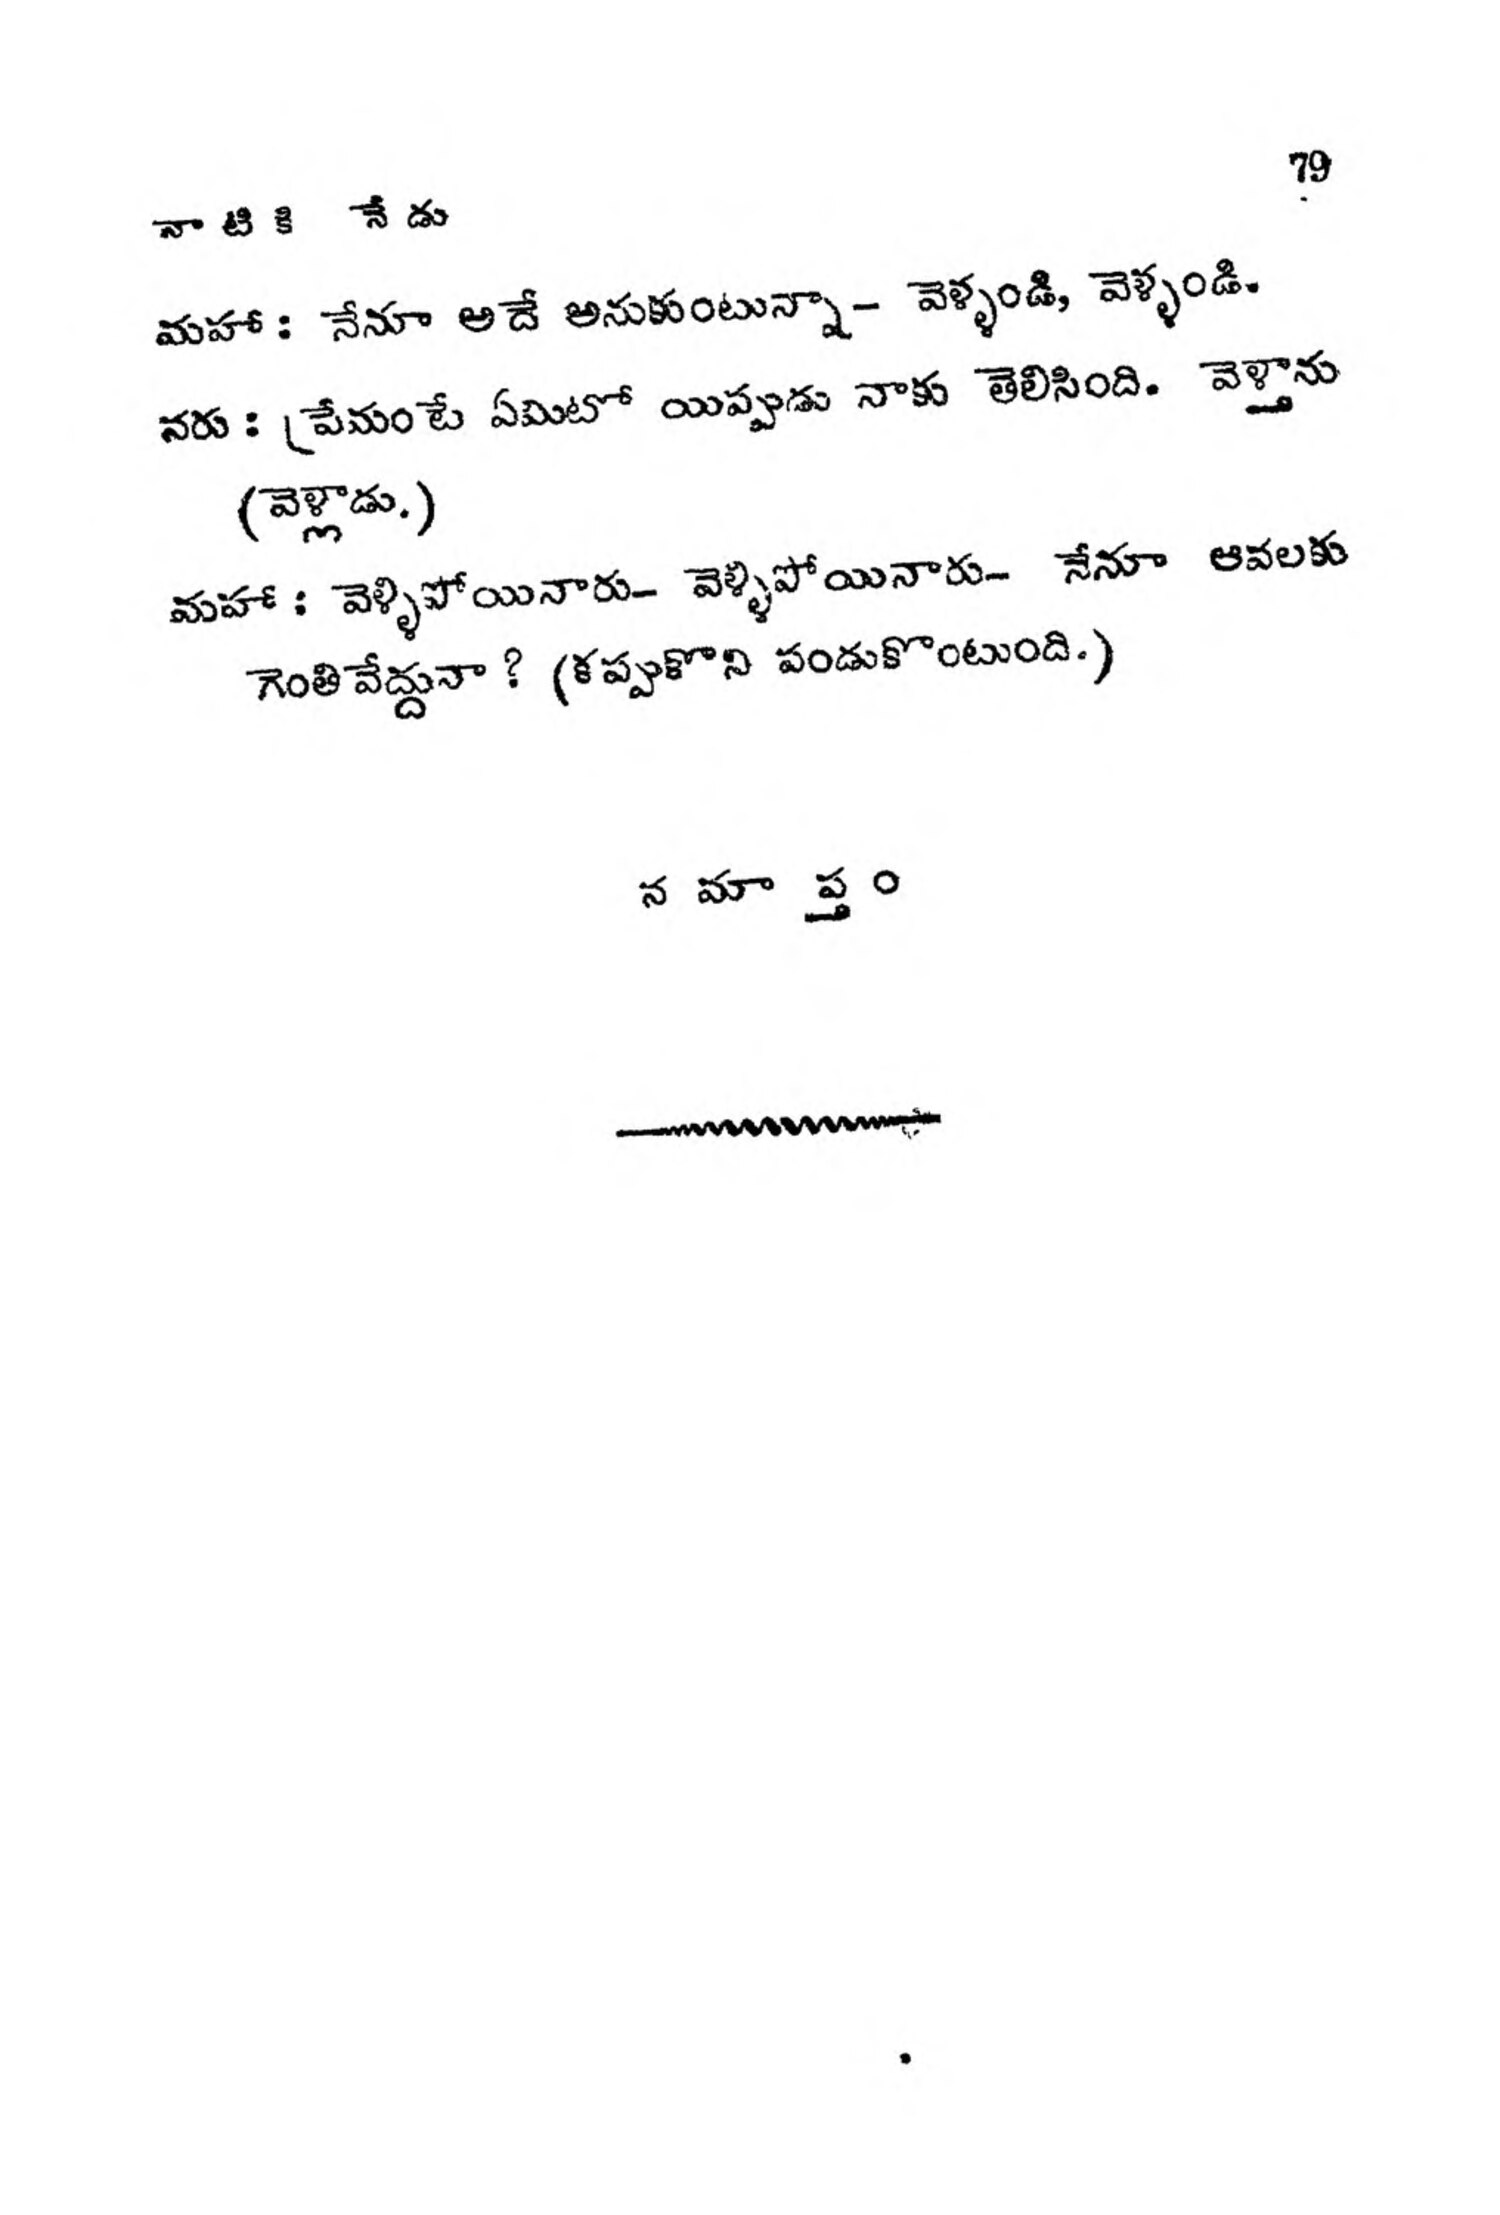మహా : నేనూ అదే అనుకుంటున్నా - వెళ్ళండి, వెళ్ళండి.

నరు : ప్రేమంటే ఏమిటో యిప్పుడు నాకు తెలిసింది. వెళ్తాను (వెళ్లాడు.)

మహా : వెళ్ళిపోయినారు - వెళ్ళిపోయినారు - నేనూ ఆవలకు గెంతివేద్దునా ? (కప్పుకొని పండుకొంటుంది.)